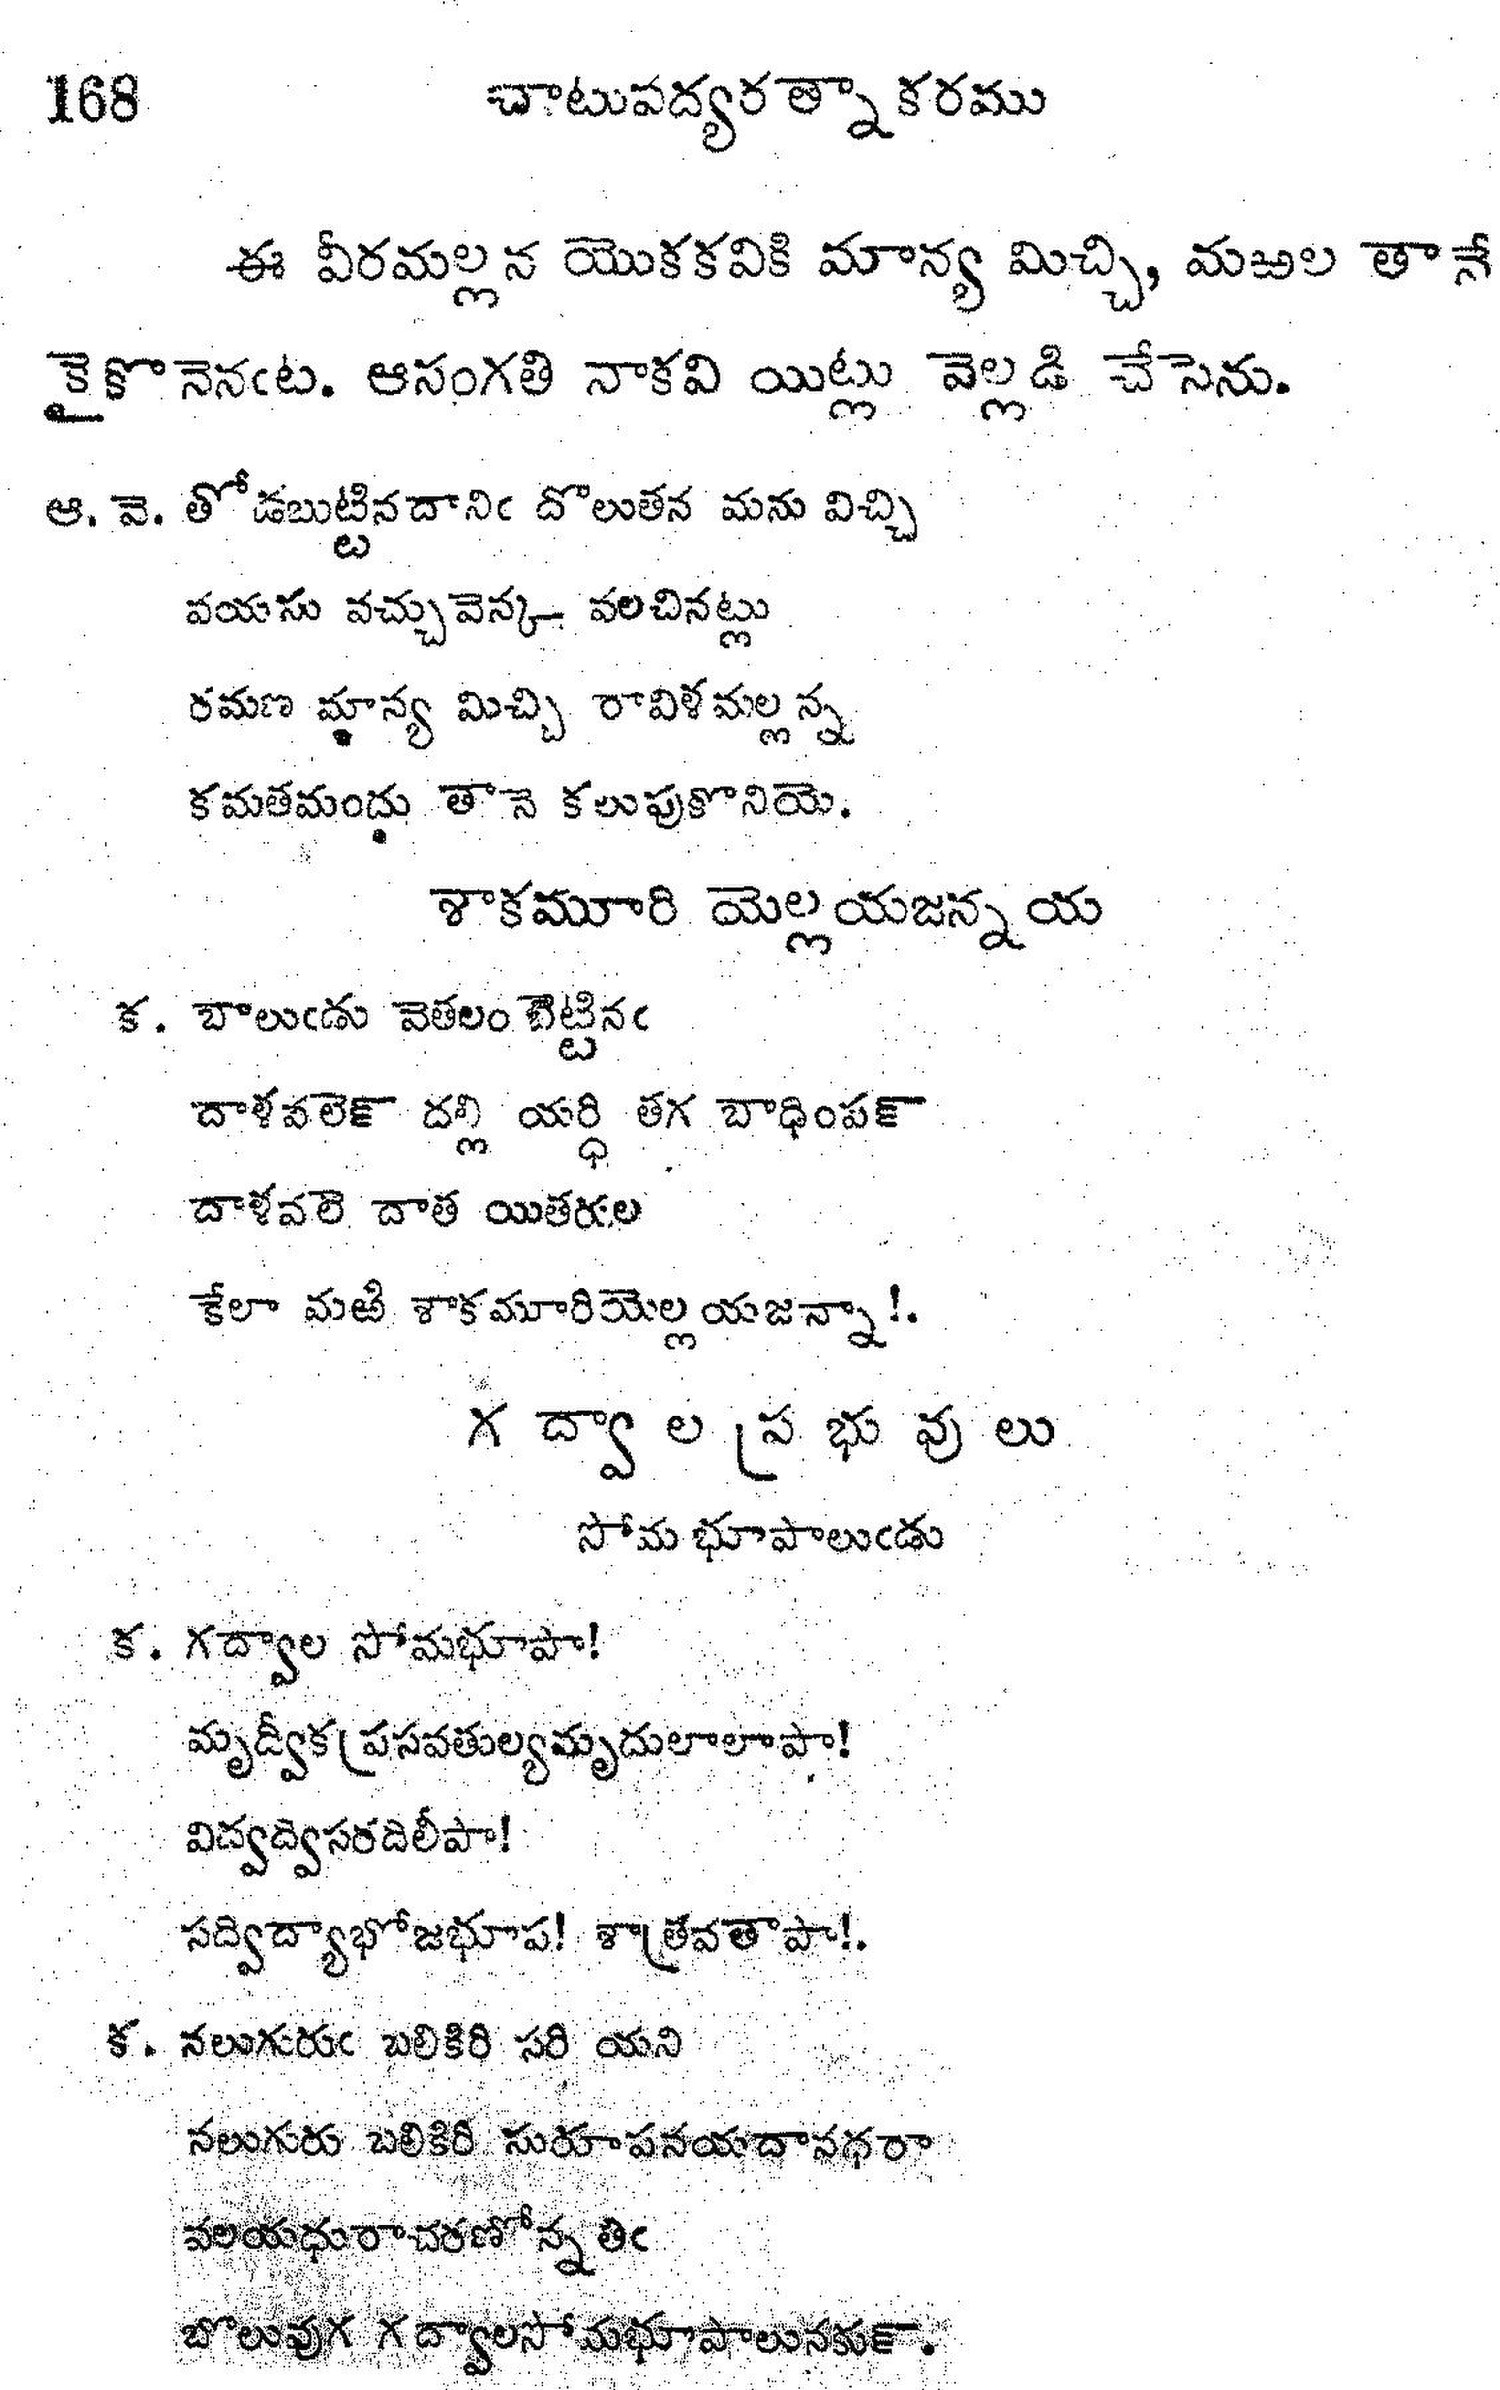ఈ వీరమల్లన యొకకవికి మాన్య మిచ్చి, మఱల తానే కైకొనెనఁట. ఆసంగతి నాకవి యిట్లు వెల్లడి చేసెను.

ఆ. తోడబుట్టనదానిఁ దొలుతన మను విచ్చి
 వయసు వచ్చువెన్క వలచినట్లు
 రమణ మాన్య మిచ్చి రావిళమల్లన్న
 కమతమందు తానె కలుపుకొనియె.

క. బాలుఁడు వెతలం బెట్టినఁ
 దాళవలెన్ దల్లి యర్థి తగ బాధింపన్
 దాళవలె దాత యితరుల
 కేలా మఱి శాకమూరి యెల్లయజన్నా!

క. గద్వాల సోమభూపా!
 మృద్వాకప్రసవతుల్యమృదులాలాపా!
 విద్వద్విసరదిలీపా!
 సద్విద్యాభోజభూప! శాత్రవతాపా!

క. నలుగురుఁ బలికిరి సరి యని
 నలుగురు బలికిరి సురూపనయదానధరా
 వలయధురాచరణోన్నతిఁ
 బొలువుగ గద్వాలసోమభూపాలునకున్.